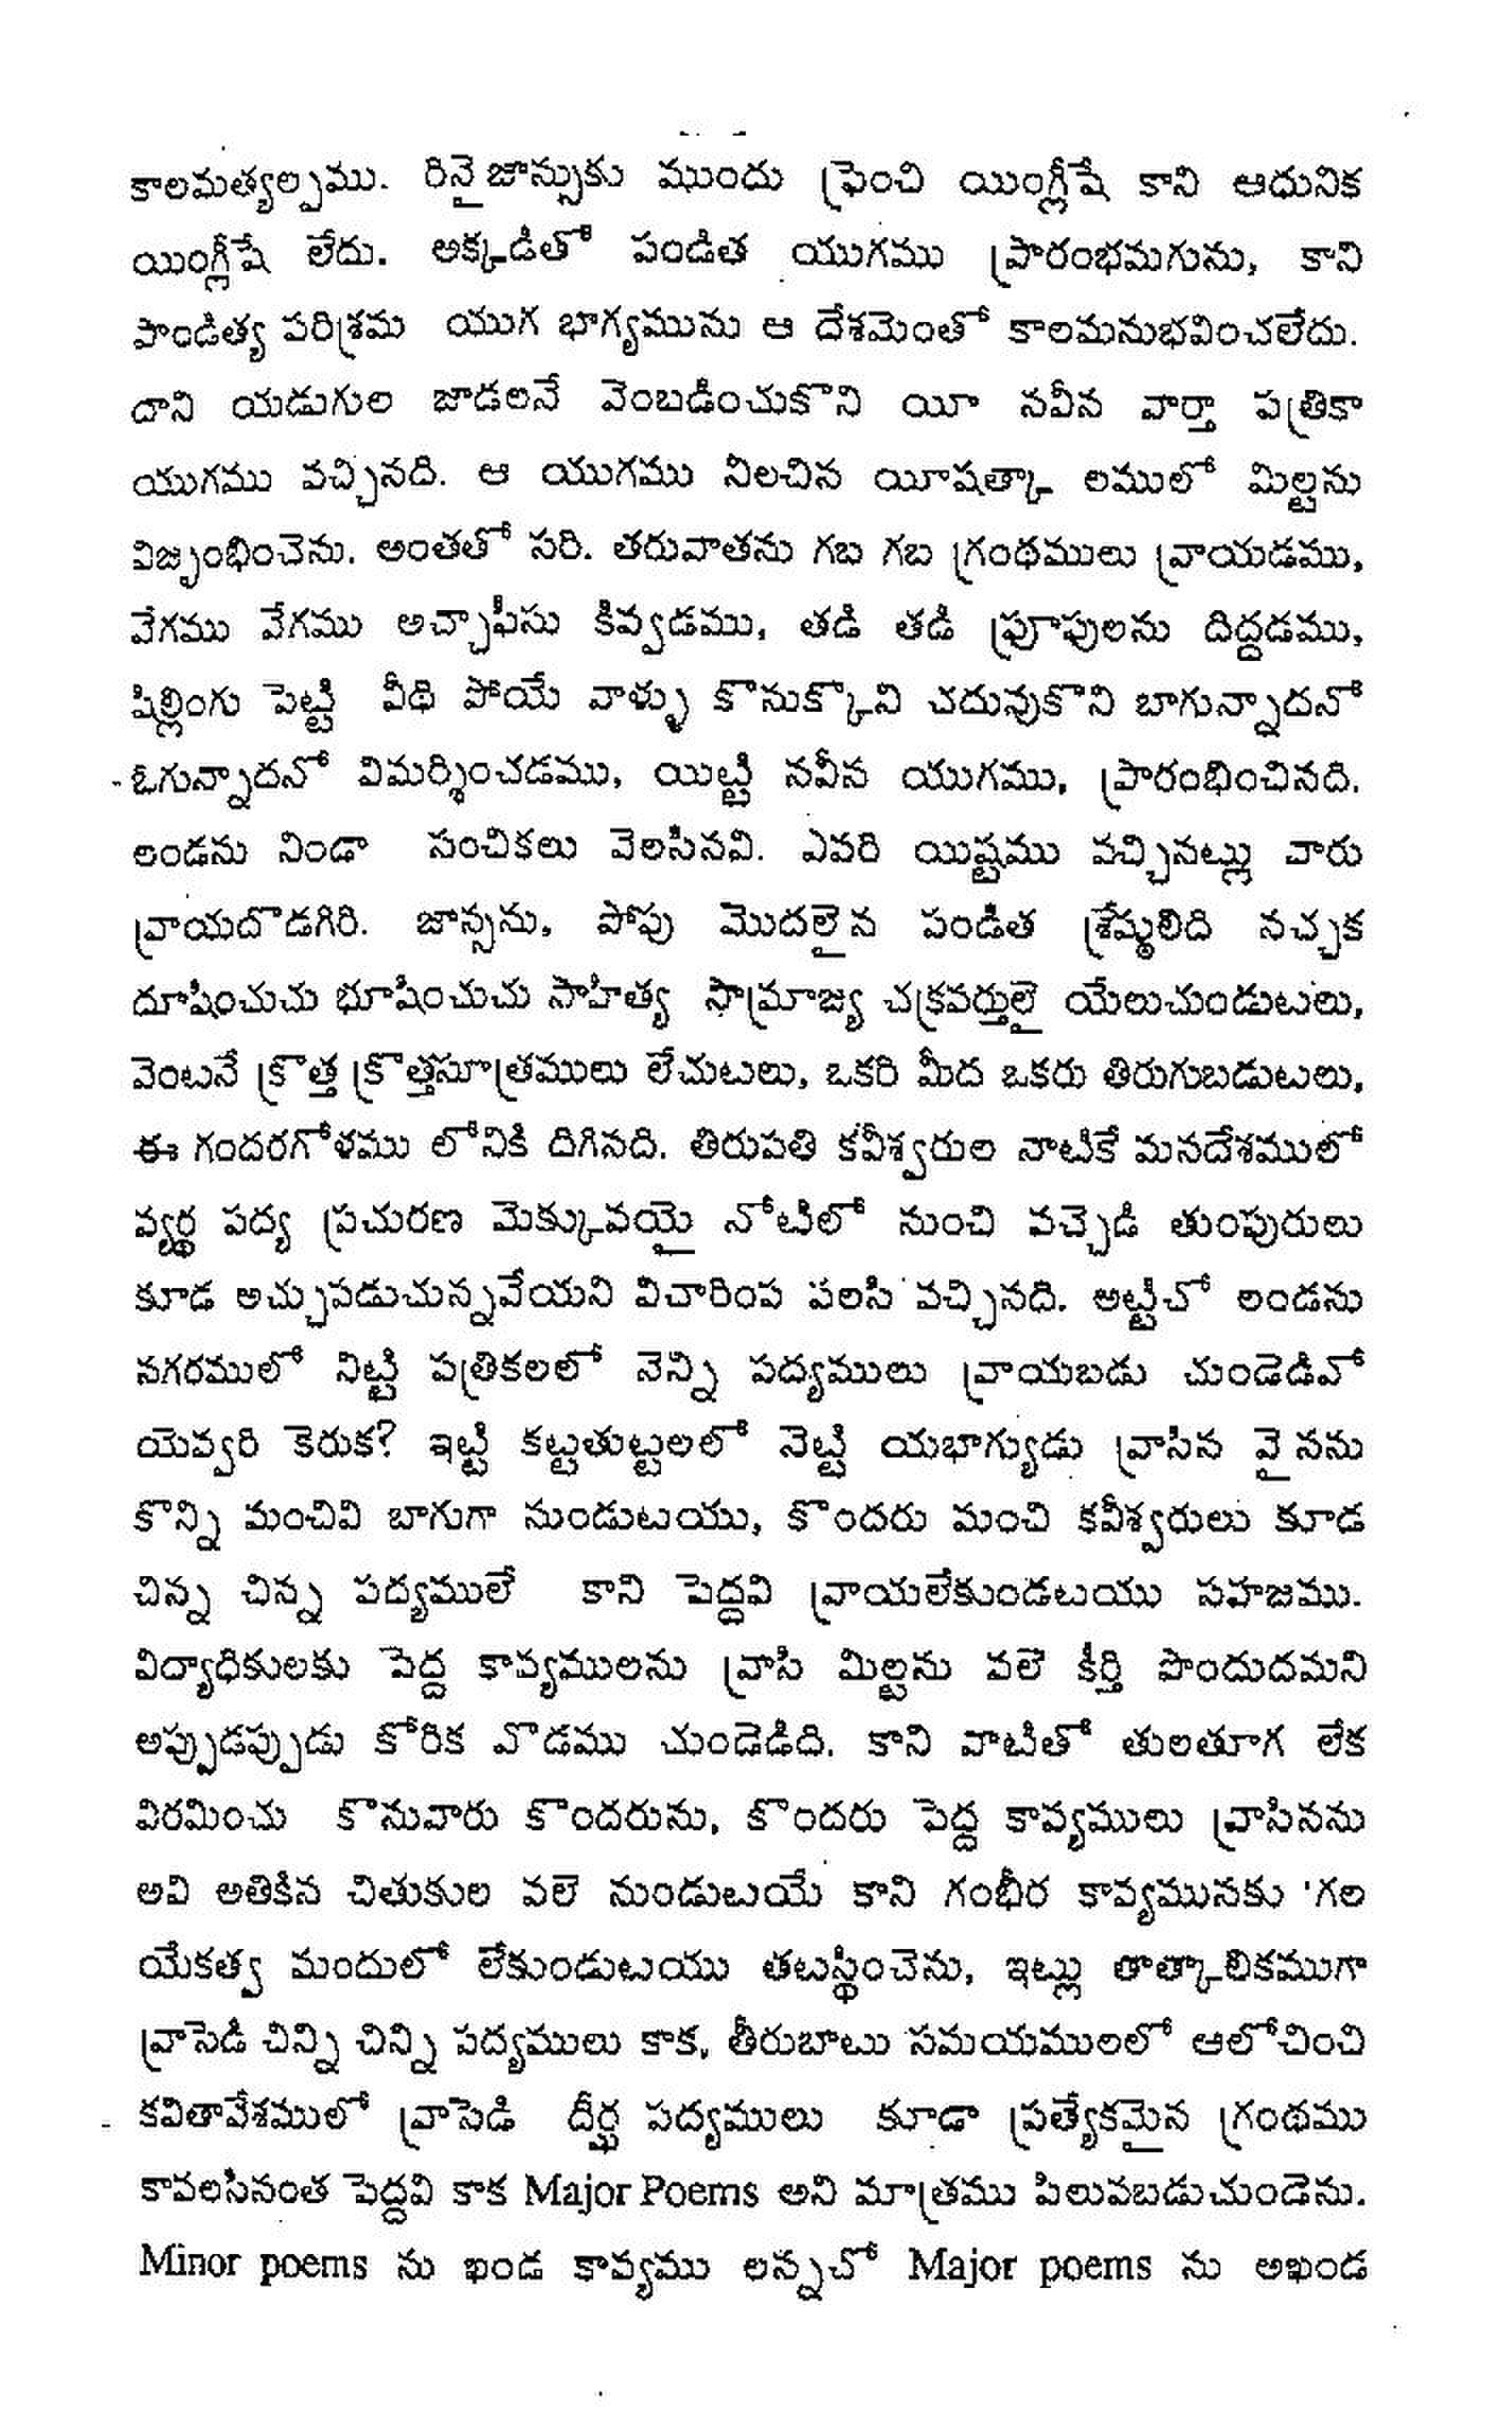కాలమత్యల్పము. రినైజాన్సుకు ముందు ఫ్రెంచి యింగ్లీషే కాని ఆధునిక యింగ్లీషే లేదు. అక్కడితో పండిత యుగము ప్రారంభమగును. కాని పాండిత్య పరిశ్రమ యుగ భాగ్యమును ఆ దేశమెంతో కాలమనుభవించలేదు. దాని యడుగుల జాడలనే వెంబడించుకొని యీ నవీన వార్తా పత్రికాయుగము వచ్చినది. ఆ యుగము నిలచిన యీషత్కా లములో మిల్టను విజృంభించెను. అంతతో సరి. తరువాతను గబ గబ గ్రంథములు వాయడము, వేగము వేగము అచ్చాఫీసు కివ్వదము, తడి తడి ఫ్రూపులను దిద్దడము, షిల్లింగు పెట్టి వీధి పోయే వాళ్ళు కొనుక్కొని చదువుకొని బాగున్నదనో ఓగున్నదనో విమర్శించడము, యిట్టి నవీన యుగము, ప్రారంభించినది. లండను నిండా సంచికలు వెలసినవి. ఎవరి యిష్టము వచ్చినట్లు వారు వ్రాయదొడగిరి. జాన్సను, పోపు మొదలైన పండిత శ్రేష్ఠులిది నచ్చక దూషించుచు భూషించుచు సాహిత్య సామ్రాజ్య చక్రవర్తులై యేలుచుండుటలు, వెంటనే క్రొత్తక్రొత్తసూత్రములు లేచుటలు, ఒకరి మీద ఒకరు తిరుగుబడుటలు, ఈ గందరగోళము లోనికి దిగినది. తిరుపతి కవీశ్వరుల నాటికే మనదేశములో వ్యర్థ పద్య ప్రచురణ మెక్కువయై నోటిలో నుంచి వచ్చెడి తుంపరులు కూడ అచ్చుపడుచున్నవేయని విచారింప వలసి వచ్చినది. అట్టిచో లండను నగరములో నిట్టి పత్రికలలో నెన్ని పద్యములు వ్రాయబడు చుండెడివో యెవరి కెరుక? ఇట్టి కట్టతుట్టలలో నెట్టి యభాగ్యుడు వ్రాసిన వైనను కొన్ని మంచివి బాగుగా నుండుటయు, కొందరు మంచి కవీశ్వరులు కూడ చిన్న చిన్న పద్యములే కాని పెద్దవి వ్రాయలేకుండుటయు సహజము. విద్యాధికులకు పెద్ద కావ్యములను వ్రాసి మిల్టను వలె కీర్తి పొందుదమని అప్పుడప్పుడు కోరిక వొడము చుండెడిది. కాని వాటితో తులతూగ లేక విరమించు కొనువారు కొందరును, కొందరు పెద్ద కావ్యములు వ్రాసినను అవి అతికిన చితుకుల వలె నుండటయే కాని గంభీర కావ్యమునకు గల యేకత్వ మందులో లేకుడుటయు తటస్థించెను. ఇట్లు తాత్కాలికముగా వ్రాసెడి చిన్ని చిన్ని పద్యములు కాక, తీరుబాటు సమయములలో ఆలోచించి కవితావేశములో వ్రాసెడి దీర్ఘ పద్యములు కూడా ప్రత్యేకమైన గ్రంథము కావలసినంత పెద్దవి కాక Major poems అని మాత్రము పిలువబడు చుండెను. Minor poems ను ఖండ కావ్యము లన్నచో Major poems ను అఖండ